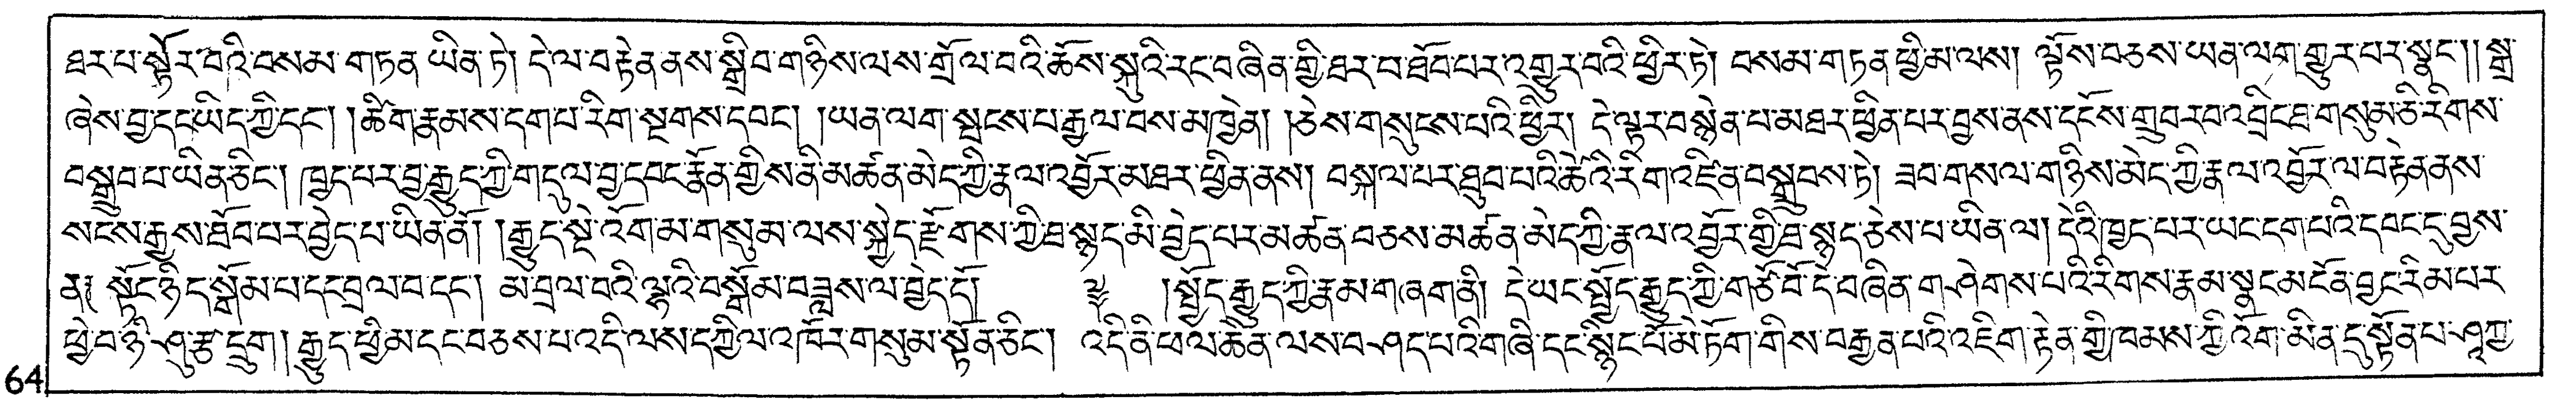ཐར་པ་སྟོར་བའི་བསམ་གཏན་ཡིན་ཏེ། དེ་ལ་བརྟེན་ནས་སྒྲིབ་གཉིས་ལས་གྲོལ་བའི་ཆོས་སྐུའི་རང་བཞིན་གྱི་ཐར་བ་ཐོབ་པར་འགྱུར་བའི་ཕྱིར་ཏེ། བསམ་གཏན་ཕྱི་མ་ལས། ལྟོས་བཅས་ཡན་ལག་གྱུར་པར་སྣང་། །སྒྲ་
ཞེས་བྱ་དང་ཡིད་ཀྱི་དང་། །ཚིག་རྣམས་དག་པ་རིག་སྔགས་དབང་། །ཡན་ལག་སྤངས་པ་རྒྱལ་བས་མཁྱེན། །ཅེས་གསུངས་པའི་ཕྱིར། དེ་ལྟར་བསྙེན་པ་མཐར་ཕྱིན་པར་བྱས་ནས་དངོས་གྲུབ་རབ་འབྲིང་ཐ་གསུམ་ཅི་རིགས་
བསྒྲུབ་པ་ཡིན་ཅིང་། ཁྱད་པར་བྱ་རྒྱུད་ཀྱི་གདུལ་བྱ་དབང་རྣོན་གྱིས་ནི་མཚན་མེད་ཀྱི་རྣལ་འབྱོར་མཐར་ཕྱིན་ནས། བསྐལ་པར་ཐུབ་པའི་ཚེའི་རིག་འཛིན་བསྒྲུབས་ཏེ། ཟབ་གསལ་གཉིས་མེད་ཀྱི་རྣལ་འབྱོར་ལ་བརྟེན་ནས་
སངས་རྒྱས་ཐོབ་པར་བྱེད་པ་ཡིན་ནོ། །རྒྱུད་སྡེ་འོག་མ་གསུམ་ལས་སྐྱེད་རྫོགས་ཀྱི་ཐ་སྙད་མི་བྱེད་པར་མཚན་བཅས་མཚན་མེད་ཀྱི་རྣལ་འབྱོར་གྱི་ཐ་སྙད་ཅེས་པ་ཡིན་ལ། དེའི་ཁྱད་པར་ཡང་དག་པའི་དབང་དུ་བྱས་
ན། སྟོང་ཉིད་སྒོམ་པ་དང་བྲལ་བ་དང་། མ་བྲལ་བའི་ལྷའི་བསྒོམ་བཟླས་ལ་བྱེད་དོ། ༈ །སྤྱོད་རྒྱུད་ཀྱི་རྣམ་གཞག་ནི། དེ་ཡང་སྤྱོད་རྒྱུད་ཀྱི་གཙོ་བོ་དེ་བཞིན་གཤེགས་པའི་རིགས་རྣམ་སྣང་མངོན་བྱང་རིམ་པར་
ཕྱེ་བ་ཉི་ཤུ་རྩ་དྲུག །རྒྱུད་ཕྱི་མ་དང་བཅས་པ་འདི་ལས་དཀྱིལ་འཁོར་གསུམ་སྟོན་ཅིང་། འདི་ནི་ཕལ་ཆེན་ལས་བཤད་པའི་གཞི་དང་སྙིང་པོ་མེ་ཏོག་གིས་བརྒྱན་པའི་འཇིག་རྟེན་གྱི་ཁམས་ཀྱི་འོག་མིན་དུ་སྟོན་པ་ཤཱཀྱ་